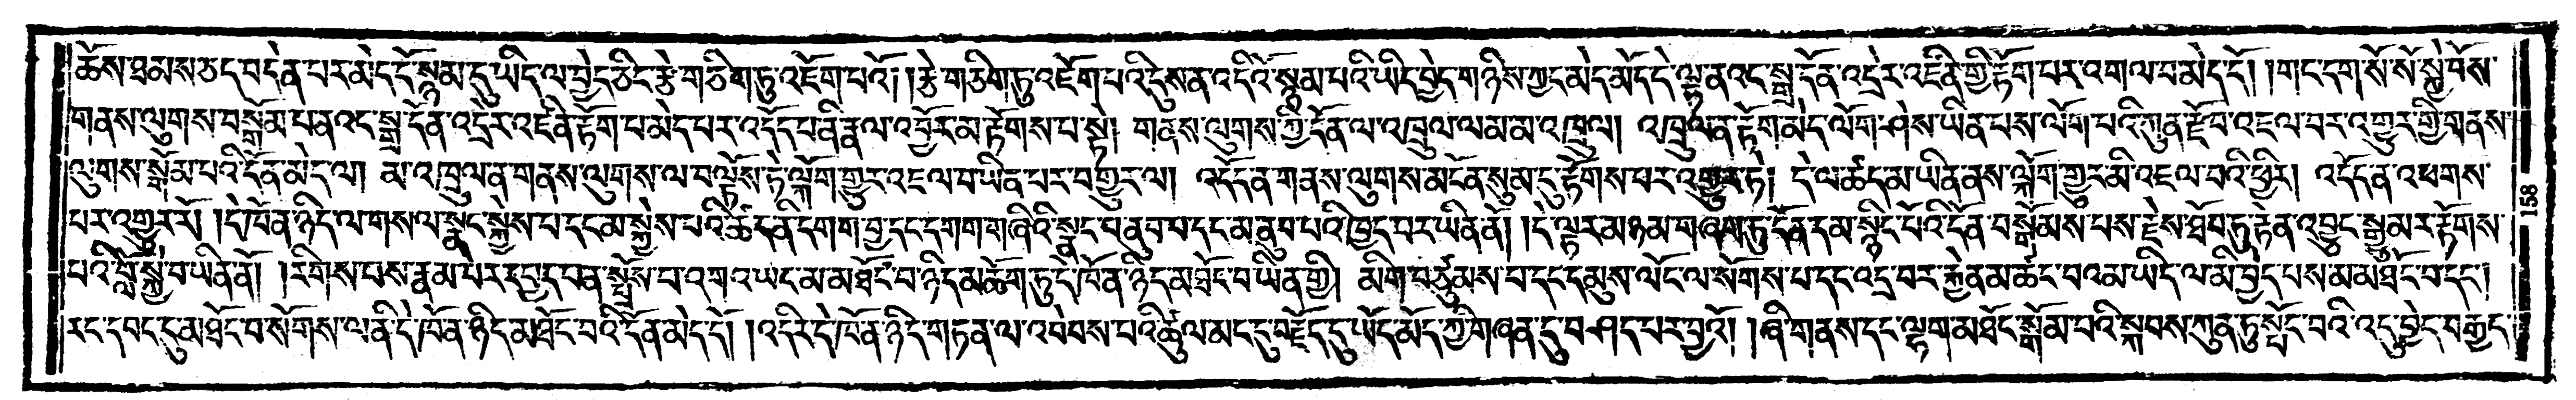ཆོས་ཐམས་ཅད་བདེན་པར་མེད་དོ་སྙམ་དུ་ཡིད་ལ་བྱེད་ཅིང་རྩེ་གཅིག་ཏུ་འཇོག་པའོ། །རྩེ་གཅིག་ཏུ་འཇོག་པའི་དུས་ན་འདིའོ་སྙམ་པའི་ཡིད་བྱེད་གཉིས་ཀྱང་མེད་མོད་དེ་ལྟ་ནའང་སྒྲ་དོན་འདྲེར་འཛིན་གྱི་རྟོག་པར་འགལ་བ་མེད་དོ། །གང་དག་སོ་སོ་སྐྱེ་བོས་
གནས་ལུགས་བསྒོམ་པ་ནའང་སྒྲ་དོན་འདྲེར་འཛིན་རྟོག་པ་མེད་པར་འདོད་པ་ནི་རྣལ་འབྱོར་མ་རྟོགས་པ་སྟེ། གནས་ལུགས་ཀྱི་དོན་ལ་འཁྲུལ་ལམ་མ་འཁྲུལ། འཁྲུལ་ན་རྟོག་མེད་ལོག་ཤེས་ཡིན་པས་ལོག་པའི་ཀུན་རྫོབ་འཇལ་བར་འགྱུར་གྱི་གནས་
ལུགས་སྒོམ་པའི་དོན་མེད་ལ། མ་འཁྲུལ་ན་གནས་ལུགས་ལ་བལྟོས་ཏེ་ལྐོག་གྱུར་འཇལ་བ་ཡིན་པར་འགྱུར་ལ། འདོད་ན་གནས་ལུགས་མངོན་སུམ་དུ་རྟོགས་པར་འགྱུར་ཏེ། དེ་ལ་ཚད་མ་ཡིན་ནས་ལྐོག་གྱུར་མི་འཇལ་བའི་ཕྱིར། འདོད་ན་འཕགས་
པར་འགྱུར་རོ། །དེ་ཁོ་ན་ཉིད་ལ་གསལ་སྣང་སྐྱེས་པ་དང་མ་སྐྱེས་པའི་ཚད་ནི་དགག་བྱ་དང་དགག་གཞིའི་སྣང་བ་ནུབ་པ་དང་མ་ནུབ་པའི་ཁྱད་པར་ཡིན་ནོ། །དེ་ལྟར་མཉམ་གཞག་ཏུ་དོན་དམ་སྙིང་པོའི་དོན་བསྒོམས་པས་རྗེས་ཐོབ་ཏུ་རྟེན་འབྱུང་སྒྱུ་མར་རྟོགས་
པའི་བློ་སྐྱེ་བ་ཡིན་ནོ། །རིགས་པས་རྣམ་པར་དཔྱད་པ་ན་སྤྲོས་པ་འགའ་ཡང་མ་མཐོང་བ་ཉིད་མཆོག་ཏུ་དེ་ཁོ་ན་ཉིད་མཐོང་བ་ཡིན་གྱི། མིག་བཙུམས་པ་དང་དམུས་ལོང་ལ་སོགས་པ་དང་འདྲ་བར་རྐྱེན་མ་ཚང་བའམ་ཡིད་ལ་མི་བྱེད་པས་མ་མཐོང་བ་དང་།
རང་དབང་དུ་མཐོང་བ་སོགས་ལ་ནི་དེ་ཁོ་ན་ཉིད་མཐོང་བའི་དོན་མེད་དོ། །འདིར་དེ་ཁོ་ན་ཉིད་གཏན་ལ་འབེབས་པའི་ཚུལ་མང་དུ་བརྗོད་དུ་ཡོད་མོད་ཀྱི་གཞན་དུ་བཤད་པར་བྱའོ། །ཞི་གནས་དང་ལྷག་མཐོང་སྒོམ་པའི་སྐབས་ཀུན་ཏུ་སྤོང་བའི་འདུ་བྱེད་བརྒྱད་